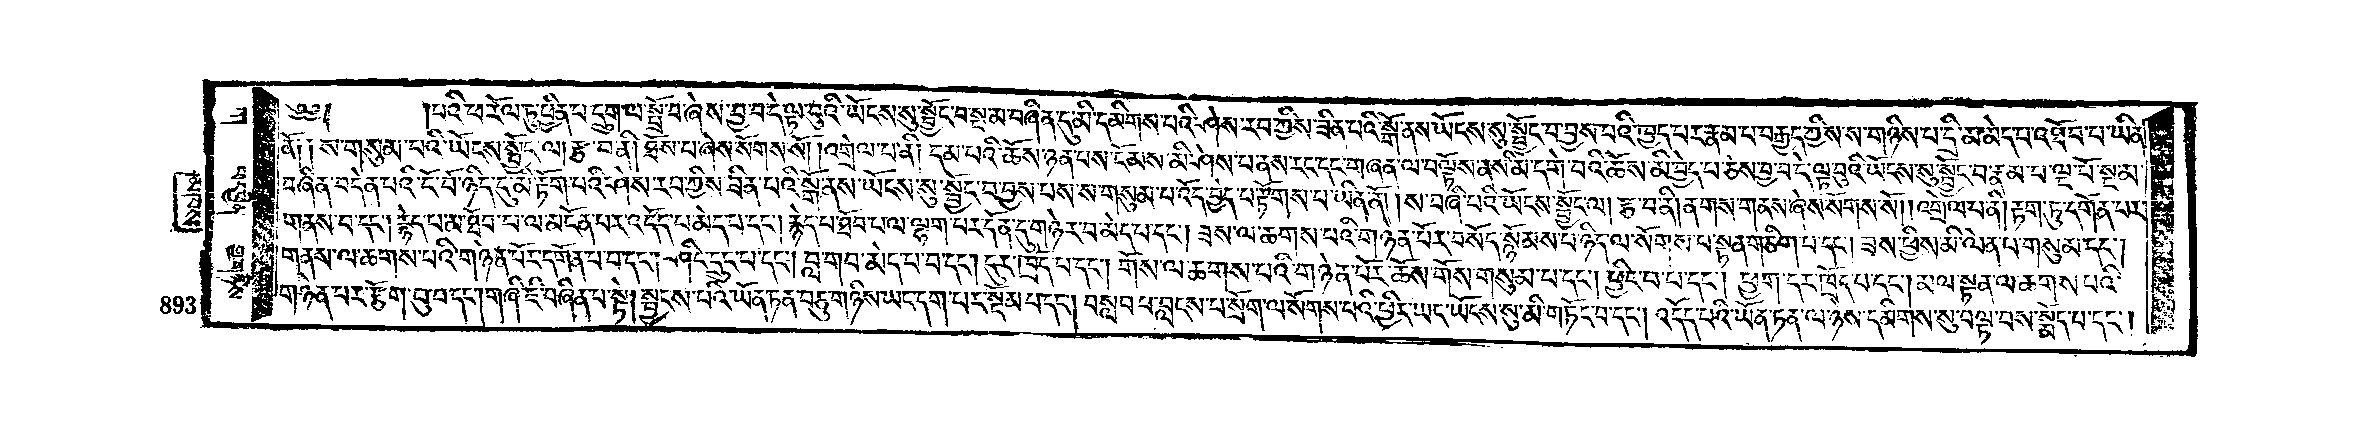༄༅། །པའི་ཕ་རོལ་ཏུ་ཕྱིན་པ་དྲུག་ལ་སྤྲོ་བ་ཞེས་བྱ་བ་དེ་ལྟ་བུའི་ཡོངས་སུ་སྦྱོང་བ་སྔ་མ་བཞིན་དུ་མི་དམིགས་པའི་ཤེས་རབ་ཀྱིས་ཟིན་པའི་སྒོ་ནས་ཡོངས་སུ་སྦྱོང་བ་བྱས་པའི་ཁྱད་པར་རྣམ་པ་བརྒྱད་ཀྱིས་ས་གཉིས་པ་དྲི་མ་མེད་པ་འཐོབ་པ་ཡིན་
ནོ༑ ༑ས་གསུམ་པའི་ཡོངས་སྦྱོང་ལ། རྩ་བ་ནི། ཐོས་པ་ཞེས་སོགས་སོ། །འགྲེལ་པ་ནི། དམ་པའི་ཆོས་ཉན་པས་ངོམས་མི་ཤེས་པ་ནས་རང་དང་གཞན་ལ་བལྟོས་ནས་མི་དགེ་བའི་ཆོས་མི་བྱེད་པ་ཅེས་བྱ་བ་དེ་ལྟ་བུའི་ཡོངས་སུ་སྦྱོང་བ་རྣམ་པ་ལྔ་པོ་སྔ་མ་
བཞིན་བདེན་པའི་ངོ་བོ་ཉིད་དུ་མི་རྟོག་པའི་ཤེས་རབ་ཀྱིས་ཟིན་པའི་སྒོ་ནས་ཡོངས་སུ་སྦྱོང་བ་བྱས་པས་ས་གསུམ་པ་འོད་བྱེད་པ་རྟོགས་པ་ཡིན་ནོ། ས་བཞི་པའི་ཡོངས་སྦྱོང་ལ། རྩ་བ་ནི། ནགས་གནས་ཞེས་སོགས་སོ། །འགྲེལ་པ་ནི། རྟག་ཏུ་དགོན་པར་
གནས་པ་དང་། རྙེད་པ་མ་ཐོབ་པ་ལ་མངོན་པར་འདོད་པ་མེད་པ་དང་། རྙེད་པ་ཐོབ་པ་ལ་ལྷག་པར་དོན་དུ་གཉེར་བ་མེད་པ་དང་། ཟས་ལ་ཆགས་པའི་གཉེན་པོར་བསོད་སྙོམས་པ་ཉིད་ལ་སོགས་པ་སྟན་གཅིག་པ་དང་། ཟས་ཕྱིས་མི་ལེན་པ་གསུམ་དང་།
གནས་ལ་ཆགས་པའི་གཉེན་པོར་དགོན་པ་བ་དང་། ཤིང་དྲུང་པ་དང་། བླ་གབ་མེད་པ་བ་དང་། དུར་ཁྲོད་པ་དང་། གོས་ལ་ཆགས་པའི་གཉེན་པོར་ཆོས་གོས་གསུམ་པ་དང་། ཕྱིང་བ་པ་དང་། ཕྱག་དར་ཁྲོད་པ་དང་། མལ་སྟན་ལ་ཆགས་པའི་
གཉེན་པར་རྩོག་བུ་བ་དང་། གཞི་ཇི་བཞིན་པ་སྟེ། སྦྱངས་པའི་ཡོན་ཏན་བཅུ་གཉིས་ཡང་དག་པར་སྡོམ་པ་དང་། བསླབ་པ་བླངས་པ་སྲོག་ལ་སོགས་པའི་ཕྱིར་ཡང་ཡོངས་སུ་མི་གཏོང་བ་དང་། འདོད་པའི་ཡོན་ཏན་ལ་ཉེས་དམིགས་སུ་བལྟ་བས་སྨོད་པ་དང་།